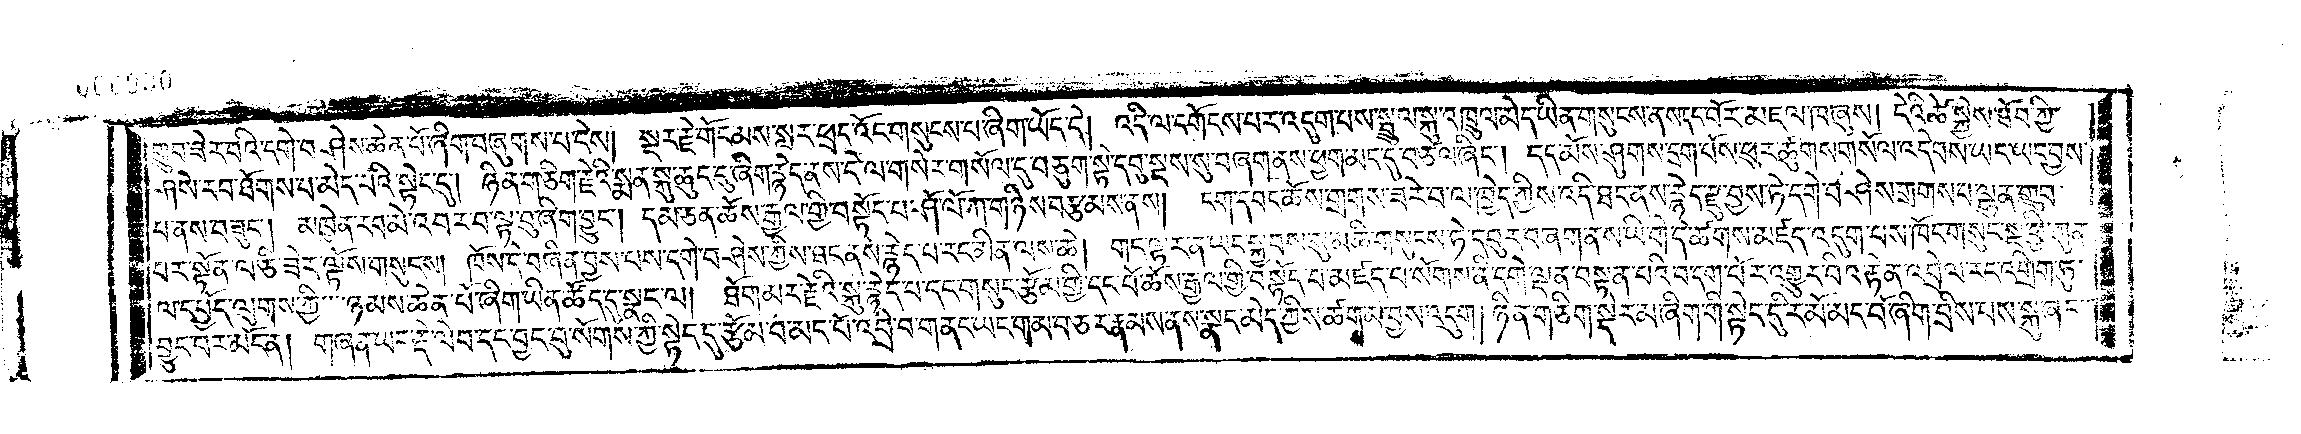གྲུབ་ཟེར་བའི་དགེ་བཤེས་ཆེན་པོ་ཞིག་བཞུགས་པ་ངེས། སྔར་རྗེ་གོང་མས་སླར་ཕྲང་འོང་གསུངས་པ་ཞིག་ཡོད་དེ། འདི་ལ་དགོངས་པར་འདུག་པས་སྤྲུལ་སྐུ་འཁྲུལ་མེད་ཡིན་གསུངས་ནས་དང་པོར་མཇལ་ཁ་ཞུས། དེའི་ཚེ་སྐྱེས་ཐོབ་ཀྱི་
ཤེས་རབ་ཐོགས་པ་མེད་པའི་སྟེང་དུ། ཉིན་གཅིག་རྗེའི་སྨན་སྐུ་ཆུང་དུ་ཞིག་རྙེད་ནས་དེ་ལ་གསོར་གསོལ་དུ་བཅུག་སྟེ་དབུ་སྔས་སུ་བཞག་ནས་ཕྱག་མང་དུ་བཙལ་ཞིང་། དད་མོས་ཤུགས་དྲག་པོས་ཕུར་ཚུགས་གསོལ་འདེབས་ཡང་ཡང་བྱས་
པ་ནས་བཟུང་། མཁྱེན་རབ་མེ་འབར་བ་ལྟ་བུ་ཞིག་བྱུང་། དམ་ཅན་ཆོས་རྒྱལ་གྱི་བསྟོད་པ་ཤོ་ལོ་ཀ་གཉིས་བརྩམས་ནས། ངག་དབང་ཆོས་གྲགས་ཟེར་བ་ལ་ཁྱེད་ཀྱིས་འདི་ཐང་ནས་རྙེད་རྫུ་བྱས་ཏེ་དགེ་བཤེས་གྲགས་པ་ལྷུན་གྲུབ་
པར་སྟོན་ལ་ཅི་ཟེར་ལྟོས་གསུངས། ཁོས་དེ་བཞིན་བྱས་པས་དགེ་བཤེས་ཀྱིས་ཐང་ནས་རྙེད་པ་རང་མིན་ལས་ཆེ། གང་ལྟར་ན་ཡང་སྐྱབས་སུ་མཆི་གསུངས་ཏེ་དབུར་བཞག་ནས་ཡི་གེ་དེ་ཚགས་མཛད་འདུག་པས་ཁོང་གསུང་སྔ་ཕྱི་ཀུན་
ལ་དཔྱོད་ལུགས་ཀྱི་ཉམས་ཆེན་པོ་ཞིག་ཡིན་ཚོད་དུ་སྣང་ལ། ཐོག་མར་རྗེའི་སྐུ་རྙེད་པ་དང་གསུང་རྩོམ་གྱི་དང་པོ་ཆོས་རྒྱལ་གྱི་བསྟོད་པ་མཛད་པ་སོགས་ནི་དགེ་ལྡན་བསྟན་པའི་བདག་པོར་འགྱུར་བའི་རྟེན་འབྲེལ་རང་འགྲིག་ཏུ་
བྱུང་བར་མངོན། གཞན་ཡང་རྡོ་ལེབ་དང་བྱང་བུ་སོགས་ཀྱི་སྟེང་དུ་རྩོམ་པ་མང་པོ་འབྲི་བ་གནང་ཡང་གམ་བཅར་རྣམས་ནས་སྣང་མེད་ཀྱིས་ཚགས་མ་བྱས་འདུག། ཉིན་གཅིག་སྡེར་མ་ཞིག་གི་སྟེང་དུ་རི་མོ་མང་པོ་ཞིག་བྲིས་པས་སྐུ་ཞང་